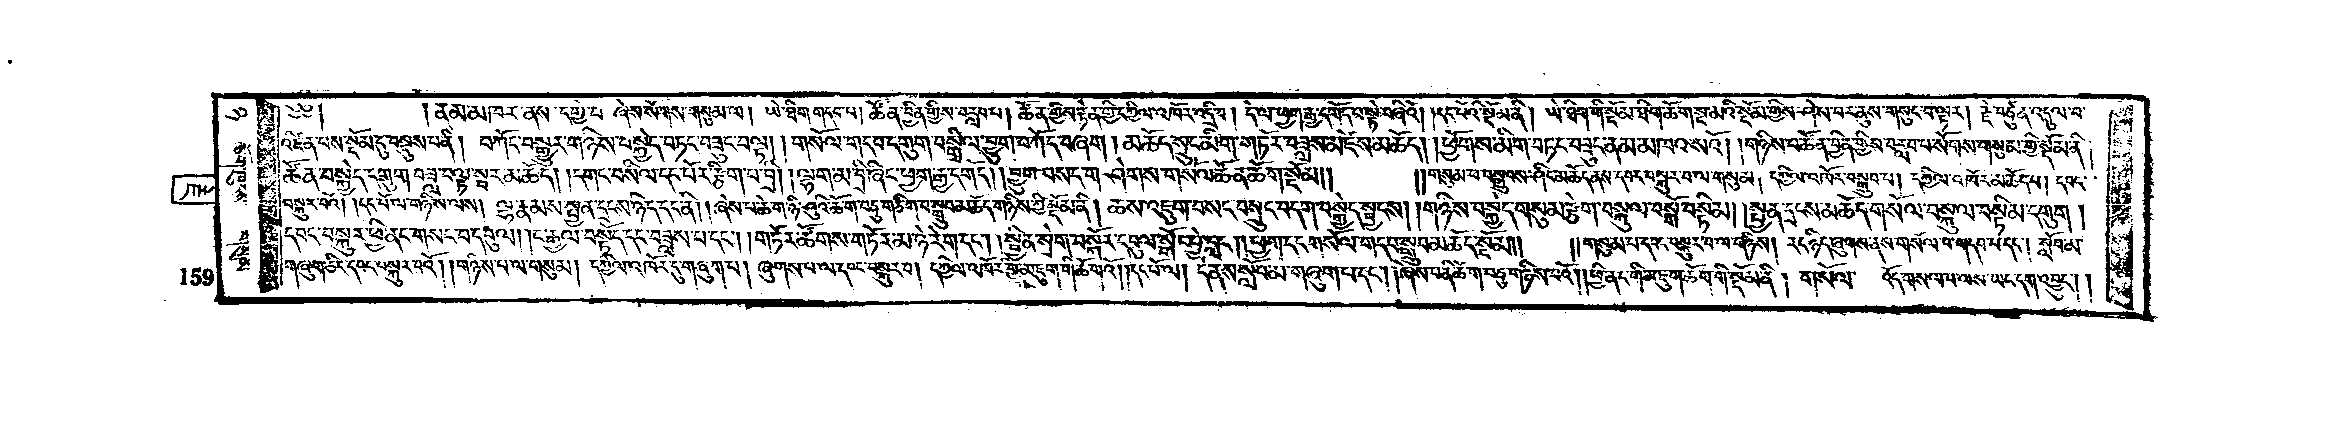༄༅། །ནམ་མཁར་ནས་དགྱེ་བ་ཞེས་སོགས་གསུམ་ལ། ཡེ་ཐིག་གདབ་པ། ཚོན་བྱིན་གྱིས་བརླབ་པ། ཚོན་གྱིས་རྟེན་གྱི་དཀྱིལ་འཁོར་འདྲི་བ། དེ་ལ་ཕྱག་རྒྱ་དགོད་པ་སྟེ་བཞིའོ། །དང་པོའི་སྡོམ་ནི། ཡེ་ཐིག་གི་སྡོམ་ཐིག་ཆོ་ག་སྔ་མའི་སྡོམ་གྱིས་ཤེས་པར་ནུས་གསུང་བ་ལྟར། རྗེ་བཙུན་འདུལ་བ་
འཛིན་པས་སྡོམ་དུ་བསྡུས་པ་ནི། བཀོད་བསྒྱུར་གཉིས་བསྐྱེད་བཏང་བཟུང་བལྟ། །གསོལ་གདབ་དགུག་བསྒྲིལ་བྱུག་བཀོད་བཞག །མཆོད་སྲུང་མིག་གཏོར་བཟླས་མཛེས་མཆོད། །ཕྱོགས་མིག་བཏང་བཟུང་ནམ་མཁའ་སའོ། །གཉིས་པ་ཚོན་བྱིན་གྱིས་བརླབ་པ་སོགས་གསུམ་གྱི་སྡོམ་ནི།
ཚོན་བསྐྱེད་དགུག་བཟླ་བལྟ་སྦར་མཆོད། །དགང་བསིལ་དང་པོར་རྩིག་པ་བྲི། །ལྷག་མ་བྲི་ཞིང་ཕྱག་རྒྱ་དགོད། །བྱུག་བསད་གཤེགས་གསོལ་ཚོན་ཆོག་སྡོམ།། །།གསུམ་པ་བསྒྲུབས་ཤིང་མཆོད་ནས་དབང་བསྐུར་བ་ལ་གསུམ། དཀྱིལ་འཁོར་བསྒྲུབ་པ། དཀྱིལ་འཁོར་མཆོད་པ། དབང་
བསྐུར་བའོ། །དང་པོ་ལ་གཉིས་ལས། ལྷ་རྣམས་སྤྱན་དྲངས་གཉིས་དང་ནི། །ཞེས་པ་ཆོ་ག་ཉི་ཤུའི་ཆོ་ག་བཅུ་གཅིག་པ་སྒྲུབ་མཆོད་གཉིས་ཀྱི་སྡོམ་ནི།  ཆས་འཇུག་བསང་བསྲུང་བདག་བསྐྱེད་སྦྱངས། །གཉིས་བསྐྱེད་གསུམ་རྩེག་བསྐུལ་བསྒོ་བསྟིམ། །སྤྱན་དྲངས་མཆོད་གསོལ་བསྐུལ་བསྟིམ་དགུག །
དབང་བསྐུར་ཕྱི་ནང་གསང་བ་དབུལ། །ང་རྒྱལ་བསྟོད་དང་བཟླས་པ་དང་། །གཏོར་ཚོགས་གཏོར་མ་ཉེ་རེག་དང་། །སྦྱིན་སྲེག་བསྐོར་དབུལ་སྒོ་དབྱེ་བླང་། །ཕྱག་དང་གསོལ་གདབ་སྒྲུབ་མཆོད་སྡོམ།། །།གསུམ་པ་དབང་བསྐུར་བ་ལ་གཉིས། རང་ཉིད་ཞུགས་ནས་གསོལ་བ་གདབ་པ་དང་། སློབ་མ་
གཞུག་ཅིང་དབང་བསྐུར་བའོ། །གཉིས་པ་ལ་གསུམ། དཀྱིལ་འཁོར་དུ་གཞུག་པ། ཞུགས་པ་ལ་དབང་བསྐུར་བ། དཀྱིལ་འཁོར་གྱི་མཇུག་གི་ཆོ་གའོ། །དང་པོ་ལ། དེ་ནས་སློབ་མ་གཞུག་པ་དང་། །ཞེས་པ་ནི་ཆོ་ག་བཅུ་གཉིས་པའོ། །ཕྱི་ནང་གི་མཇུག་ཆོག་གི་སྡོམ་ནི། གསོལ་འོད་གསལ་བ་ལས་ཡང་དག་འབྱུང་། །